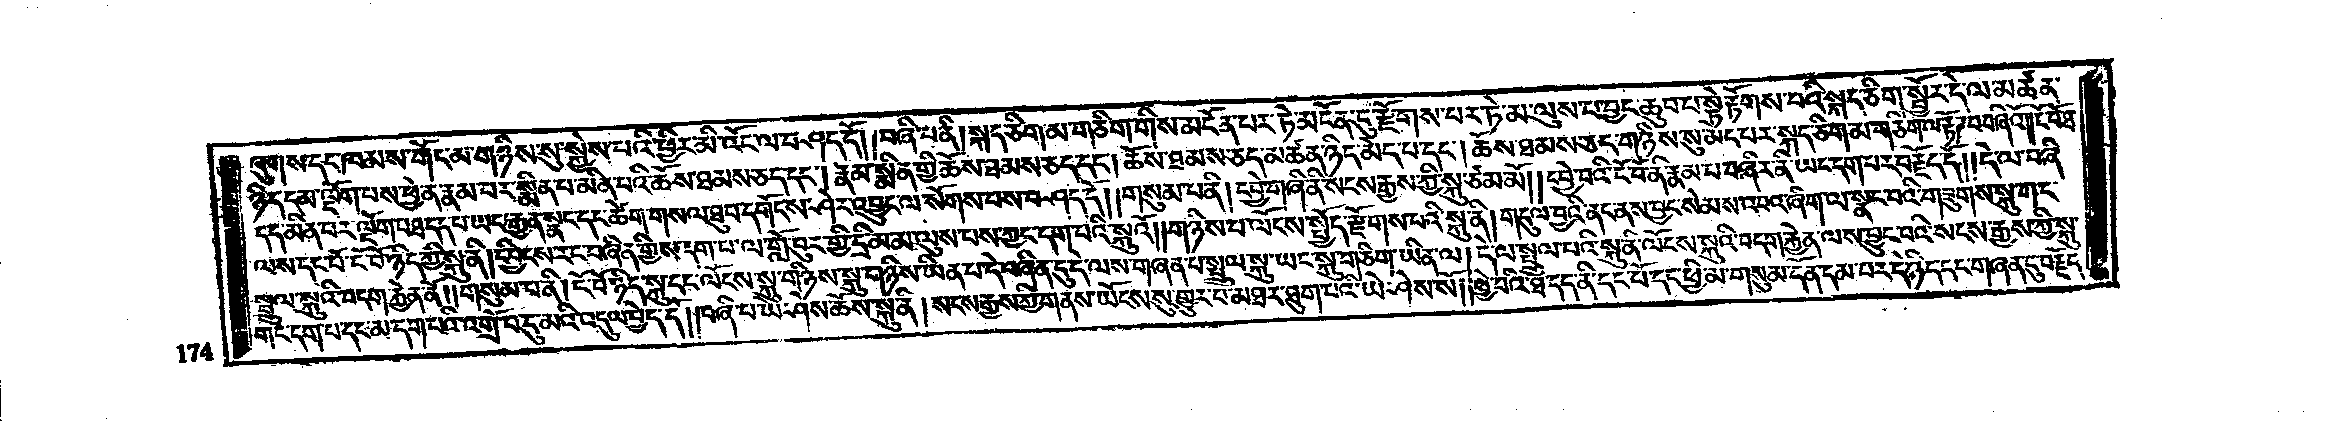ཞུགས་དང་ཁམས་གོང་མ་གཉིས་སུ་སྐྱེས་པའི་ཕྱིར་མི་འོང་ལ་བཤད་དོ། །བཞི་པ་ནི། སྐད་ཅིག་མ་གཅིག་གིས་མངོན་པར་ཏེ་མངོན་དུ་རྫོགས་པར་ཏེ་མ་ལུས་པ་བྱང་ཆུབ་པ་སྟེ་རྟོགས་པའི་སྐད་ཅིག་སྦྱོར་དེ་ལ་མཚན་
ཉིད་དམ་ལྡོག་པས་ཕྱེ་ན་རྣམ་པར་སྨིན་པ་མིན་པའི་ཆོས་ཐམས་ཅད་དང་། རྣམ་སྨིན་གྱི་ཆོས་ཐམས་ཅད་དང་། ཆོས་ཐམས་ཅད་མཚན་ཉིད་མེད་པ་དང་། ཆོས་ཐམས་ཅད་གཉིས་སུ་མེད་པར་སྐད་ཅིག་མ་གཅིག་ལ་རྟོགས་པ་བཞིའོ། །ངོ་བོ་ཐ་
དད་མིན་པར་ལྡོག་པ་ཐ་དད་པ་ཡང་རྒྱན་སྣང་དང་ཚིག་གསལ་ཐུབ་དགོངས་ཤེར་འབྱུང་ལ་སོགས་པས་བཤད་དོ། །གསུམ་པ་ནི། དབྱེ་གཞི་ནི་སངས་རྒྱས་ཀྱི་སྐུ་ཙམ་མོ། །དབྱེ་བའི་ངོ་བོ་ནི་རྣམ་པ་བཞིར་ནི་ཡང་དག་པར་བརྗོད་དོ། །དེ་ལ་བཞི་
ལས་དང་པོ་ངོ་བོ་ཉིད་ཀྱི་སྐུ་ནི། དབྱིངས་རང་བཞིན་གྱིས་དག་པ་ལ་གློ་བུར་གྱི་དྲི་མ་མ་ལུས་པས་ཀྱང་དག་པའི་སྐུའོ། །གཉིས་པ་ལོངས་སྤྱོད་རྫོགས་པའི་སྐུ་ནི། གདུལ་བྱའི་ནང་ནས་བྱང་སེམས་འབའ་ཞིག་ལ་སྣང་བའི་གཟུགས་སྐུ་གང་
སྤྲུལ་སྐུའི་བདག་རྐྱེན་ནོ། །གསུམ་པ་ནི། ངོ་བོ་ཉིད་སྐུ་དང་ལོངས་སྐུ་གཉིས་སྐུ་གཉིས་ཡིན་པ་དེ་བཞིན་དུ་དེ་ལས་གཞན་པ་སྤྲུལ་སྐུ་ཡང་སྐུ་གཅིག་ཡིན་ལ། དེ་ལ་སྤྲུལ་པའི་སྐུ་ནི་ལོངས་སྐུའི་བདག་རྐྱེན་ལས་བྱུང་བའི་སངས་རྒྱས་ཀྱི་སྐུ་
གང་དག་པ་དང་མ་དག་པའི་འགྲོ་བ་དུ་མའི་འདུལ་བྱེད་དོ། །བཞི་པ་ཡེ་ཤེས་ཆོས་སྐུ་ནི། སངས་རྒྱས་ཀྱི་གནས་ཡོངས་སུ་གྱུར་པ་མཐར་ཐུག་པའི་ཡེ་ཤེས་སོ། །ཕྱེ་བའི་ཐ་དད་ནི་དང་པོ་དང་ཕྱི་མ་གསུམ་དོན་དམ་པར་དེ་ཉིད་དང་གཞན་དུ་བརྗོད་